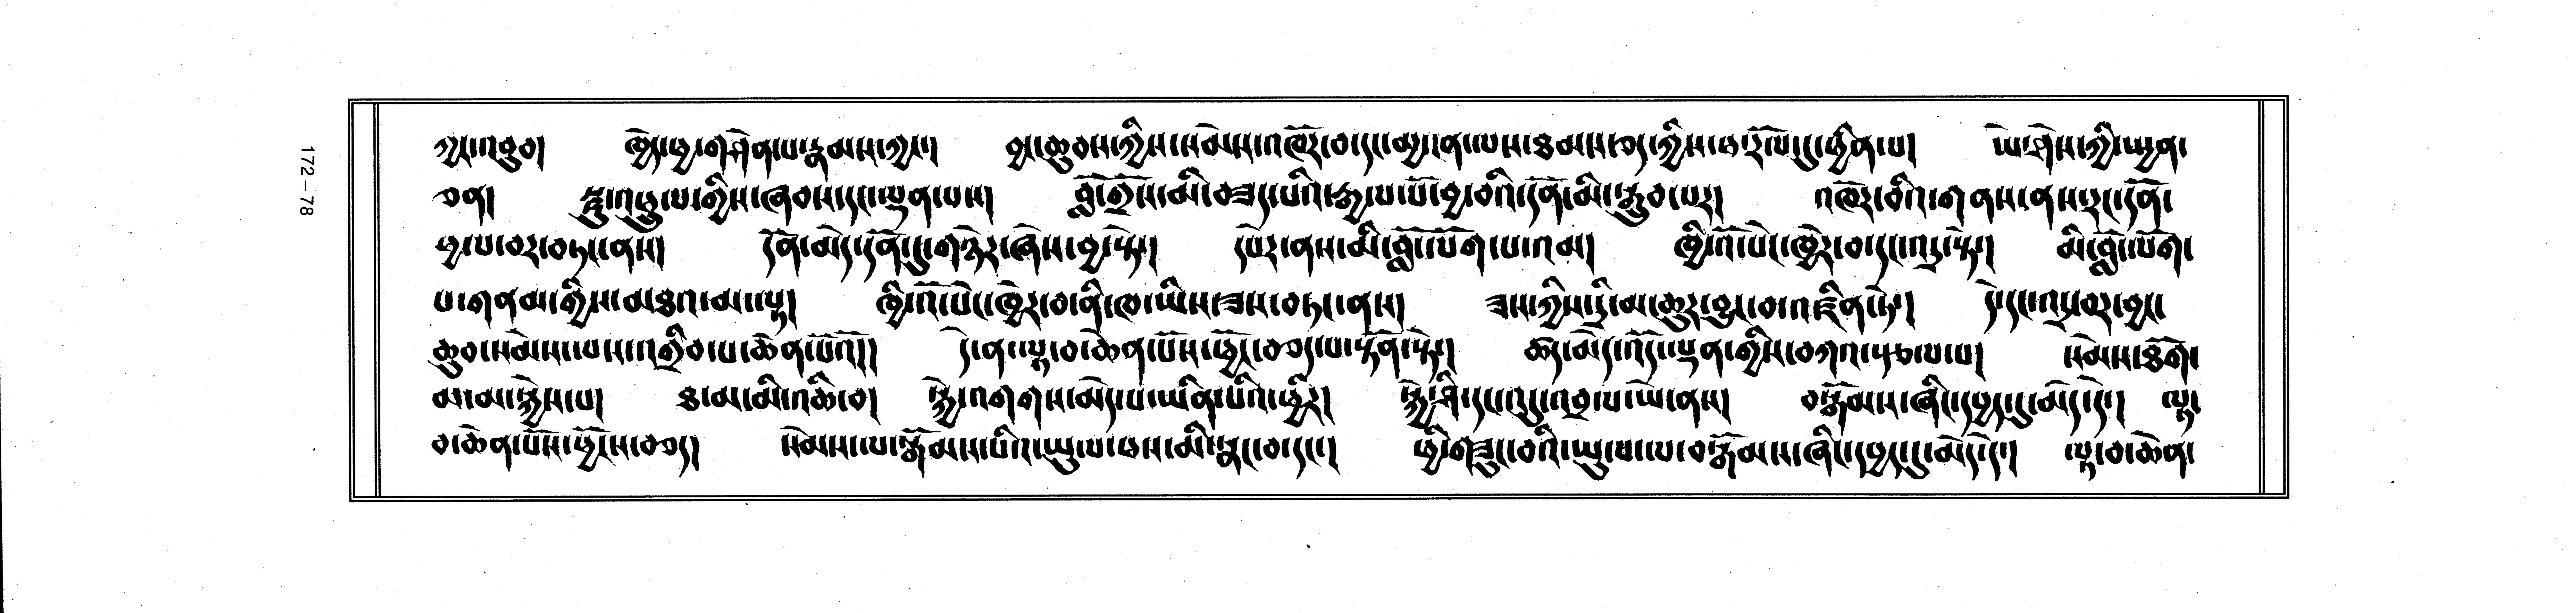ཀྱང་འབུབ། ཁྱེད་ཕྱ་གཤེན་པ་རྣམས་ཀྱང་། བྱང་ཆུབ་ཀྱིས་སེམས་འཁོར་བ་དང་མྱ་ངན་ལས་ཐམས་ཅད་ཀྱིས་ཕ་རོལ་དུ་ཕྱིན་པ། ཡེ་ཤེས་ཀྱི་སྤྱན་
ཅན། རྫུ་འཕྲུལ་གྱིས་ཞབས་དང་ལྡན་པས། བློ་གྲོས་མི་བཟད་པའི་རྒྱལ་པོ་བྱ་བའི་དོན་མི་སྒྲུབ་པར། འཁོར་བའི་གནས་ནས་རང་དོན་
ཕྱལ་བར་བཏང་ནས། དོན་མེད་དོན་དུ་གཉེར་ཞེས་བྱ་སྟེ། དཔེར་ནས་མི་བློ་ལོག་པ་འམ། ཁྱི་འོ་པེང་ཁྱེར་བ་དང་འདྲ་སྟེ། མི་བློ་ལོག་
པ་གནམ་གྱིས་མཐའ་མ་ལྟ། ཁྱི་འོ་པེང་ཁྱེར་བ་ནི་ཁ་ཡིས་ཟས་བཏང་ནས། ཟས་ཀྱིས་དྲི་མ་ཆུར་བྱུང་བ་འཛིན་ཏེ། དེ་དང་འདྲ་བར་བྱང་
ཆུབ་སེམས་ལས་འགྲིབ་པ་ཆེན་པོའོ། དེ་ན་ལྟ་བ་ཆེན་པོས་ཕྱོང་བཅད་པ་སྟོན་སྟེ། ཚད་མེད་འོད་ལྡན་གྱིས་བཀའ་སྩལ་པ། སེམས་ཐོག་
མ་མ་སྐྱེ་པ། ཐ་མ་མི་འཆི་བ། སྐྱེ་འགགས་མེད་པ་ཡིན་པའི་ཕྱིར། སྐྱེ་ཤི་དང་འདུ་འབྲལ་ཡེ་ནས། བསྒོམས་ཞིང་དཔྱད་དུ་མེད་དེ། ལྟ་
བ་ཆེན་པོས་ཕྱོངས་བཅད། སེམས་ལ་སྒོམས་པའི་ཡུལ་ཕས་མི་སྣང་བ་དང་། ཕྱི་གཟུང་བའི་ཡུལ་ལ་བསྒོམས་ཞིང་དཔྱད་དུ་མེད་དེ། ལྟ་བ་ཆེན་